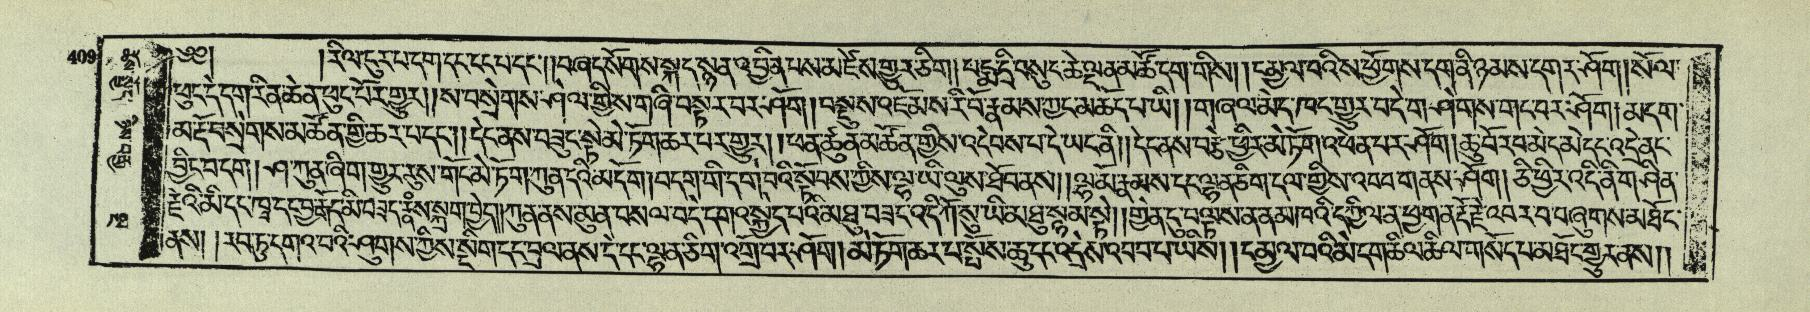༄༅། །རིལ་ངུར་པ་དག་དང་ངང་པ་དང་། །བཞད་སོགས་སྐད་སྙན་འབྱིན་པས་མཛེས་གྱུར་ཅིག། པདམ་དྲི་བསུང་ཆེ་ལྡན་མཚོ་དག་གིས། །དམྱལ་བའི་ས་ཕྱོགས་དག་ནི་ཉམས་དགར་ཤོག །སོལ་
ཕུང་དེ་དག་རིན་ཆེན་ཕུང་པོར་གྱུར། །ས་བསྲེགས་ཤེལ་གྱིས་གཞི་བསྟར་བར་ཤོག །བསྡུས་འཇོམས་རི་བོ་རྣམས་ཀྱང་མཆོད་པ་ཡི། །གཞལ་མེད་ཁང་གྱུར་བདེ་གཤེགས་གང་བར་ཤོག །མདག་
མ་རྡོ་བསྲེགས་མཚོན་གྱི་ཆར་པ་དང་། །དེང་ནས་བཟུང་སྟེ་མེ་ཏོག་ཆར་པར་གྱུར། །ཕན་ཚུན་མཚོན་གྱིས་འདེབས་པ་དེ་ཡང་ནི། །དེང་ནས་བརྩེ་ཕྱིར་མེ་ཏོག་འཕེན་པར་ཤོག །ཆུ་བོ་རབ་མེད་མེ་དང་འདྲེ་ནང་
བྱིང་བ་དག། ཤ་ཀུན་ཞིག་གྱུར་རུས་གོང་མེ་ཏོག་ཀུན་དའི་མདོག། བདག་གི་དགེ་པའི་སྟོབས་ཀྱིས་ལྷ་ཡི་ལུས་ཐོབ་ནས། །ལྷ་མོ་རྣམས་དང་ལྷན་ཅིག་དལ་གྱིས་འབབ་གནས་ཤོག། ཅི་ཕྱིར་འདི་ནི་གཤིན་
རྗེའི་མི་དང་ཁྭ་དང་བྱ་རྒོད་མི་བཟད་རྣཾས་སྐྲག་བྱེད། །ཀུན་ནས་མུན་བསལ་བདེ་དགའ་སྐྱེད་པའི་མཐུ་བཟང་འདི་ཀོ་སུ་ཡི་མཐུ་སྙམ་སྟེ། །གྱེན་དུ་བལྟས་ན་ནམ་མཁའི་དཀྱིལ་ན་ཕྱག་ན་རྡོ་རྗེ་འབར་བ་བཞུགས་མཐོང་
ནས། །རབ་ཏུ་དགའ་བའི་ཤུགས་ཀྱིས་སྡིག་དང་བྲལ་ནས་དེ་དང་ལྷན་ཅིག་འགྲོ་བར་ཤོག། །མེ་ཏོག་ཆར་པ་སྤོས་ཆུ་དང་འདྲེས་འབབ་པ་ཡིས། །དམྱལ་བའི་མེ་དག་ཆིལ་ཆིལ་གསོད་པ་མཐོང་གྱུར་ནས།།